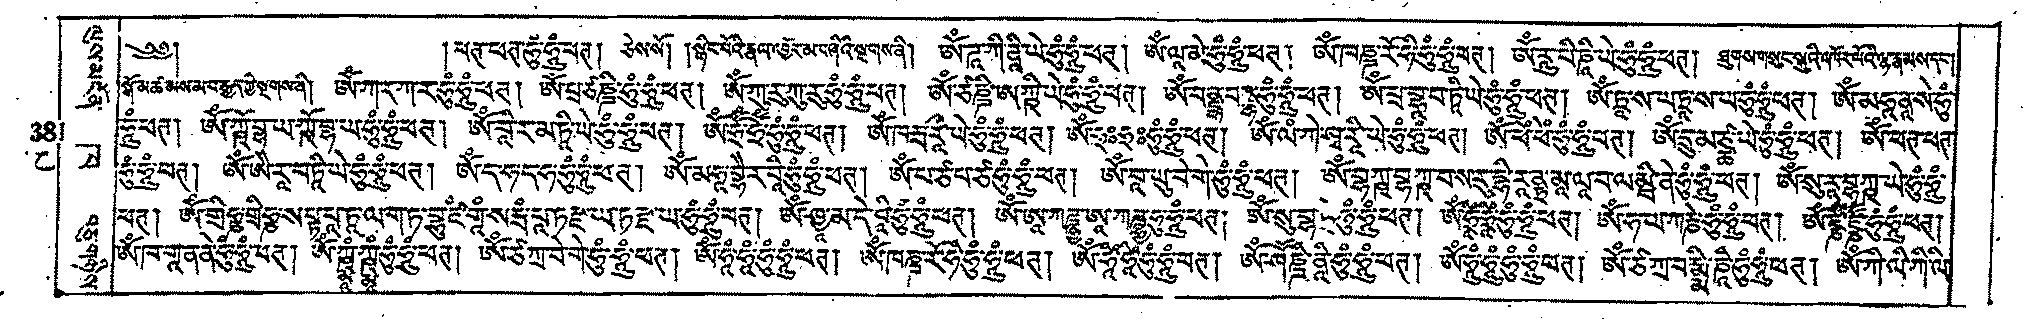༄༅། །ཕཊ་ཕཊ་ཧུཾ་ཧཱུཾ་ཕཊ། ཅེས་སོ། །སྙིང་པོའི་རྣལ་འབྱོར་མ་བཞིའི་སྔགས་ནི།  ཨོཾ་ཌཱ་ཀི་ནཱི་ཡེ་ཧཱུཾ་ཧཱུཾ་ཕཊ། ཨོཾ་ལཱ་མེ་ཧཱུཾ་ཧཱུཾ་ཕཊ། ཨོཾ་ཁཎྜ་རོ་ཧི་ཧུཾ་ཧཱུཾ་ཕཊ། ཨོཾ་རཱུ་པི་ཎཱི་ཡེ་ཧུཾ་ཧཱུཾ་ཕཊ། ཐུགས་གསུང་སྐུའི་འཁོར་ལོའི་ལྷ་རྣམས་དང་།
སྒོ་མཚམས་མ་བརྒྱད་ཀྱི་སྔགས་ནི། ཨོཾ་ཀ་ར་ཀ་ར་ཧུཾ་ཧཱུཾ་ཕཊ། ཨོཾ་པྲ་ཙཎྜི་ཧུཾ་ཧཱུཾ་ཕཊ། ཨོཾ་ཀུ་རུ་ཀུ་རུ་ཧུཾ་ཧཱུཾ་ཕཊ། ཨོཾ་ཙཎྜི་ཨཀྵི་ཡེ་ཧུཾ་ཧཱུཾ་ཕཊ། ཨོཾ་བནྡྷ་བནྡྷ་ཧུཾ་ཧཱུཾ་ཕཊ། ཨོཾ་པྲ་བྷཱ་བ་ཏཱི་ཡེ་ཧུཾ་ཧཱུཾ་ཕཊ། ཨོཾ་ཏྲཱ་ས་ཡ་ཏྲཱ་ས་ཡ་ཧུཾ་ཧཱུཾ་ཕཊ། ཨོཾ་མྷཱ་ནའ་སེ་ཧུཾ་
ཧཱུཾ་ཕཊ། ཨོཾ་ཀྵོ་བྷ་ཡ་ཀྵོ་བྷ་ཡ་ཧུཾ་ཧཱུཾ་ཕཊ། ཨོཾ་བཱི་ར་མ་ཏཱི་ཡེ་ཧུཾ་ཧཱུཾ་ཕཊ། ཨོཾ་ཧྲཽཾ་ཧྲཽཾ་ཧུཾ་ཧཱུཾ་ཕཊ། ཨོཾ་ཁརྦ་རཱྀ་ཡེ་ཧུཾ་ཧཱུཾ་ཕཊ། ཨོཾ་ཧྲཿཧྲཿ ཧུཾ་ཧཱུཾ་ཕཊ། ཨོཾ་ལཾ་ཀེ་ཤྭ་རཱི་ཡེ་ཧུཾ་ཧཱུཾ་ཕཊ། ཨོཾ་ཕེཾ་ཕེཾ་ཧུཾ་ཧཱུཾ་ཕཊ། ཨོཾ་དྲུ་མཙྪ་ཡེ་ཧུཾ་ཧཱུཾ་ཕཊ། ཨོཾ་ཕཊ་ཕཊ་
ཧུཾ་ཧཱུཾ་ཕཊ། ཨོཾ་ཨཻ་རཱ་བ་ཏཱི་ཡེ་ཧུཾ་ཧཱུཾ་ཕཊ། ཨོཾ་ད་ཧ་ད་ཧ་ཧུཾ་ཧཱུཾ་ཕཊ། ཨོཾ་མྷཱ་བྷཻ་ར་བཱི་ཧུཾ་ཧཱུཾ་ཕཊ། ཨོཾ་པ་ཙ་པ་ཙ་ཧུཾ་ཧཱུཾ་ཕཊ། ཨོཾ་བཱ་ཡུ་བེ་གེ་ཧུཾ་ཧཱུཾ་ཕཊ། ཨོཾ་བྷཀྵ་བ་ས་རུ་དྷི་རཱ་ནྟྲ་མཱ་ལཱ་བ་ལ་མྦི་ནེ་ཧུཾ་ཧཱུཾ་ཕཊ། ཨོཾ་སུ་རཱ་བྷཀྵ་ཡེ་ཧུཾ་ཧཱུཾ་
ཕཊ། ཨོཾ་གྲིཧྞ་གྲིཧྞ་ས་པྟ་པཱ་ཏཱ་ལ་ག་ཏ་བྷུཾ་ཛ་གཱཾ་སརྦཾ་པཱ་ཏརྫ་ཡ་ཏརྫ་ཡ་ཧུཾ་ཧཱུཾ་ཕཊ། ཨོཾ་ཤྱཱ་མ་དེ་བཱི་ཧུཾ་ཧཱུཾ་ཕཊ། ཨོཾ་ཨཱ་ཀཌྜྷྱ་ཨཱ་ཀཌྜྷྱ་ཧུ་ཧཱུཾ་ཕཊ། ཨོཾ་སུ་བྷ་ཏྲེ་ཉུཾ་ཧཱུཾ་ཕཊ། ཨོཾ་ཧྲཱིཾ་ཧྲཱིཾ་ཧུཾ་ཧཱུཾ་ཕཊ། ཨོཾ་ཧ་ཡ་ཀརྞེ་ཧུཾ་ཧཱུཾ་ཕཊ། ཨོཾ་ཛྞཽཾ་ཛྞཽཾ་ཧུཾ་ཧཱུཾ་ཕཊ།
ཨོཾ་ཁ་གཱ་ན་ནེ་ཧུཾ་ཧཱུཾ་ཕཊ། ཨོཾ་ཀྵྨཱཾ་ཀྵྨཱཾ་ཧུཾ་ཧཱུཾ་ཕཊ། ཨོཾ་ཙ་ཀྲ་བེ་གེ་ཧུཾ་ཧཱུཾ་ཕཊ། ཨོཾ་ཧཱཾ་ཧཱཾ་ཧུཾ་ཧཱུཾ་ཕཊ། ཨོཾ་ཁཎྜ་རོ་ཧེ་ཧུཾ་ཧཱུཾ་ཕཊ། ཨོཾ་ཧཱིཾ་ཧཱིཾ་ཧུཾ་ཧཱུཾ་ཕཊ། ཨོཾ་ཤཽཎྜི་ནཱི་ཧཱུཾ་ཧཱུཾ་ཕཊ། ཨོཾ་ཧཱུཾ་ཧཱུཾ་ཧུཾ་ཧཱུཾ་ཕཊ། ཨོཾ་ཙཀྲ་བརྨྨི་ཎཱི་ཧུཾ་ཧཱུཾ་ཕཊ། ཨོཾ་ཀི་ལི་ཀི་ལི་